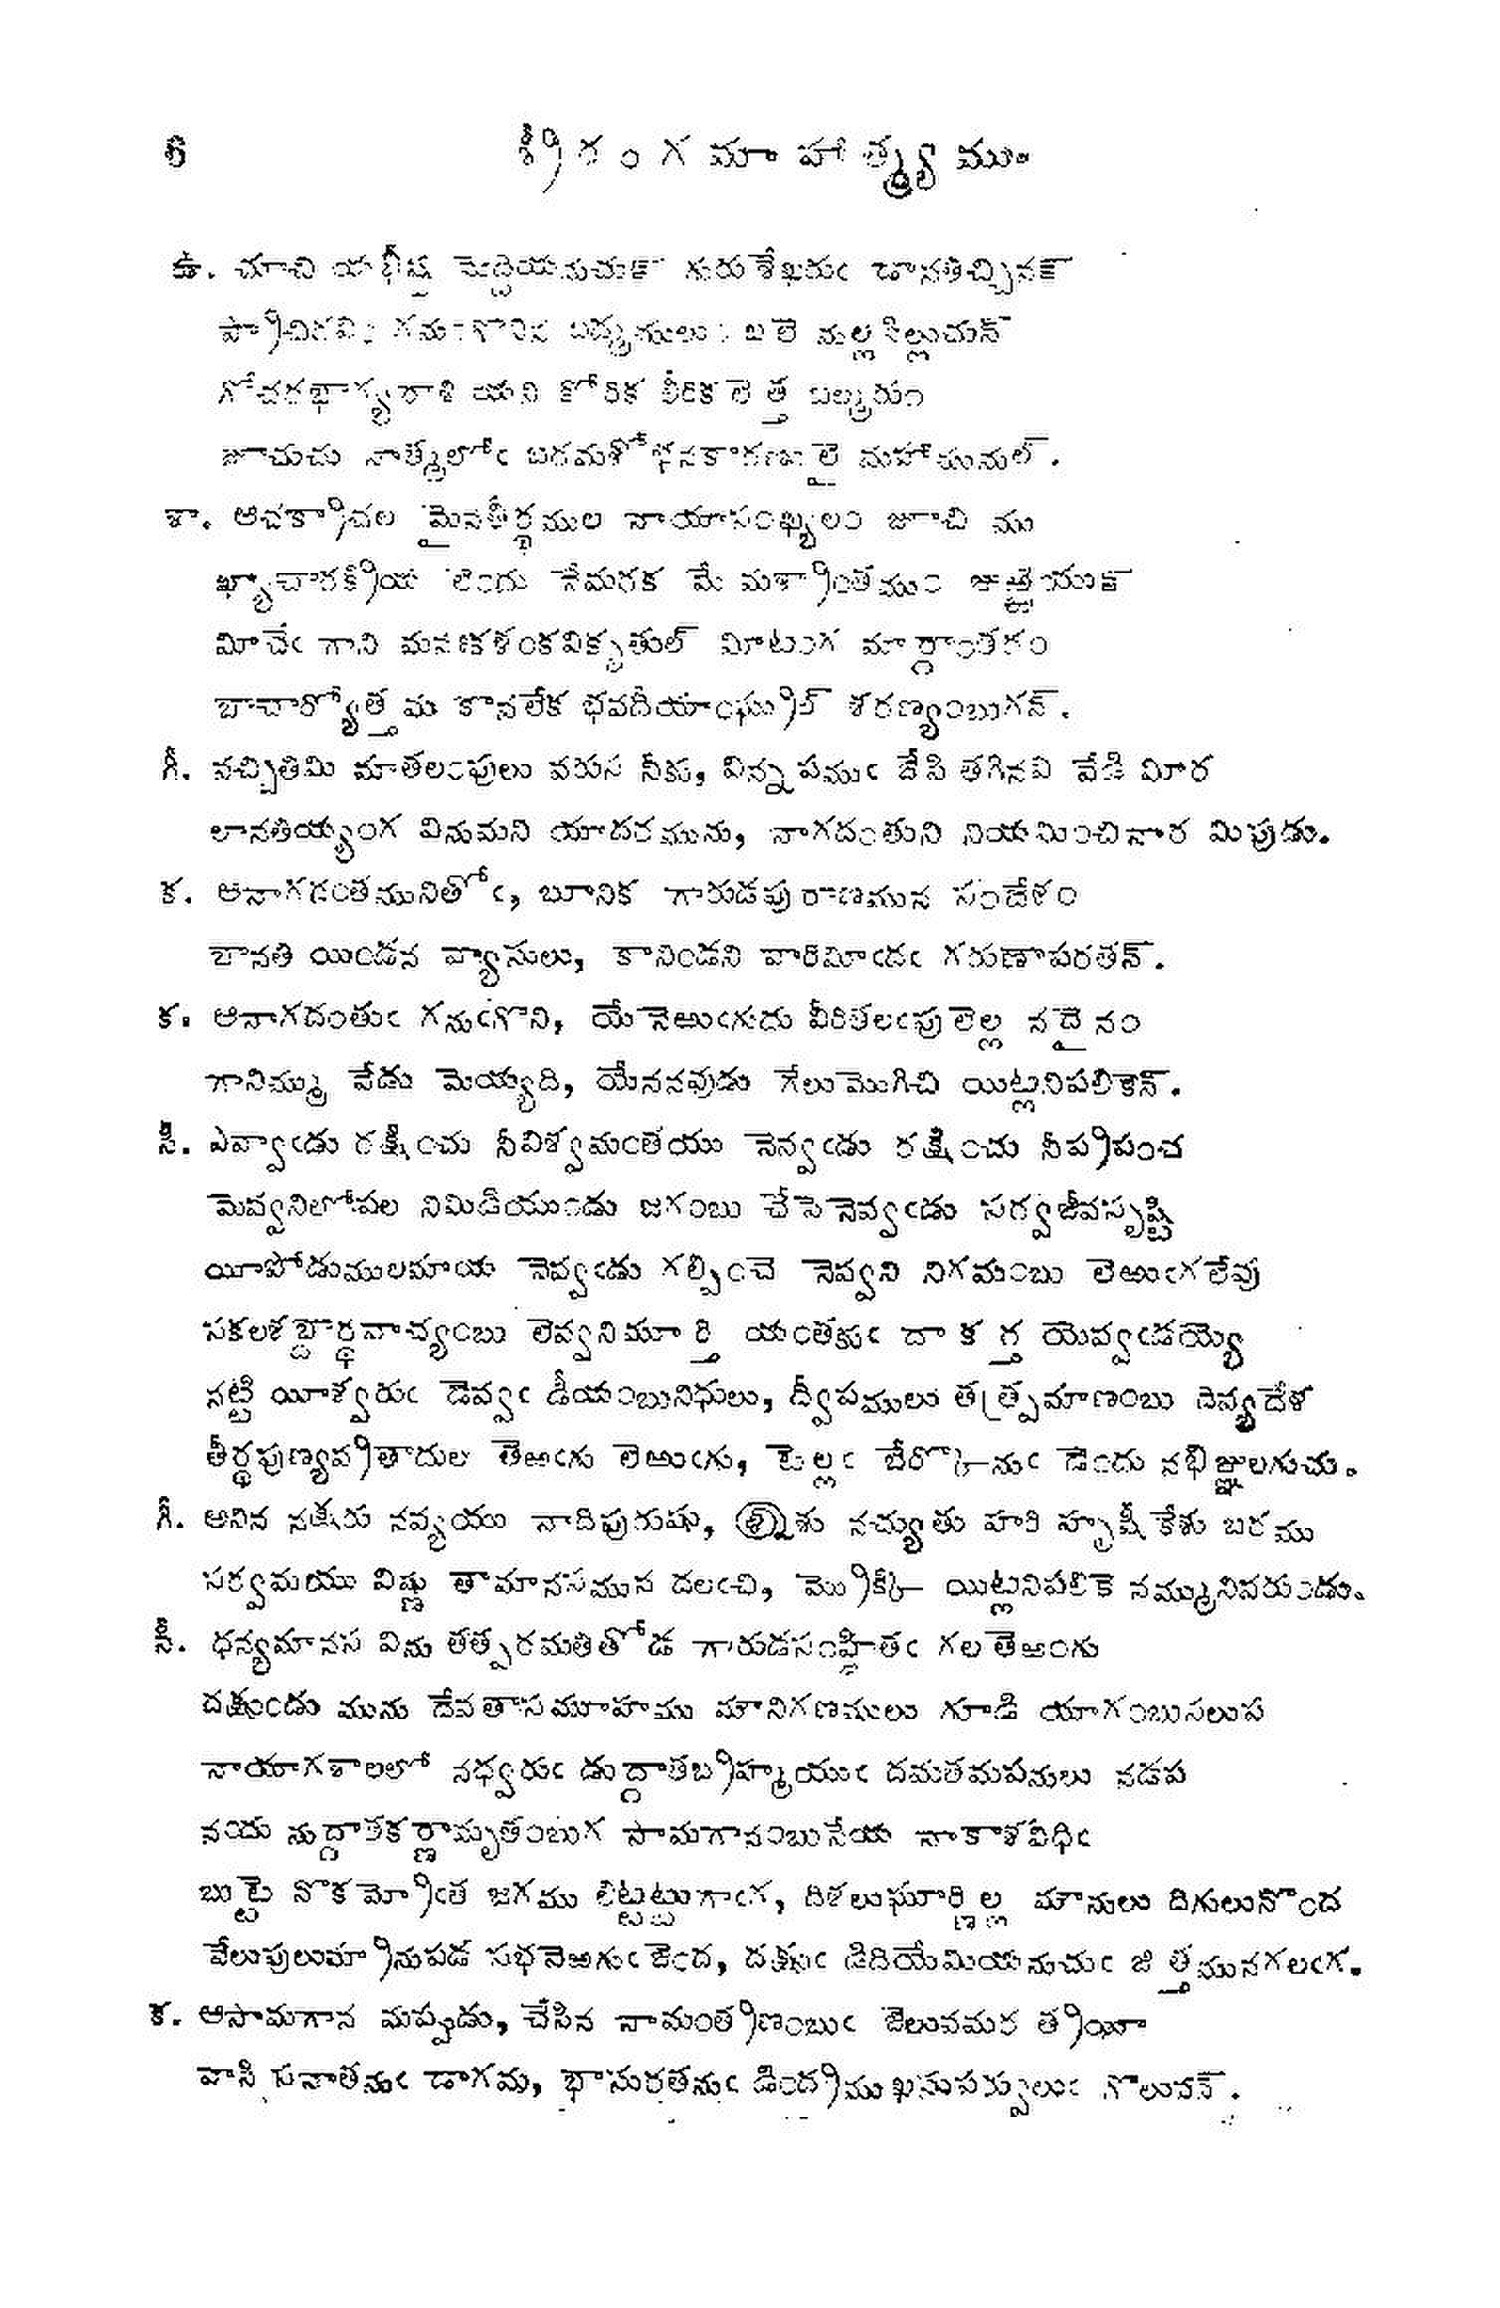ఉ. చూచి యభీష్ట మెద్ది యనుచున్ గురుశేఖరుఁ డానతిచ్చినన్
 ప్రాచిరవిం గనుంగొనిన బద్మములుంబలె నుల్లసిల్లుచున్
 గోచరభాగ్యరాశి యని కోరిక లీరిక లెత్త బల్మరుం
 జూచుచు నాత్మలోఁ బరమశోధనకారణు లై మహామునుల్.
శా. ఆచక్రాచల మైనతీర్థముల నాయాసంఖ్యలం జూచి ము
 ఖ్యాచారక్రియ లెందు నేమరక మే మశ్రాంతముం జుఱ్ఱియున్
 మీచేఁ గాని మనఃకళంకవికృతుల్ మీటంగ మార్గాంతరం
 బాచార్యోత్తమ కానలేక భవదీయాంఘ్రుల్ శరణ్యంబుగన్.
గీ. వచ్చితిమి మాతలంపులు వరుస నీకు, విన్నపముఁ చేసి తగినవి వేడి మీర
 లానతియ్యంగ వినుమని యాదరమును, నాగదంతుని నియమించినార మిపుడు.
క. ఆనాగదంత మునితోఁ, బూనిక గారుడపురాణమున సందేశం
 బానతి యిండన వ్యాసులు, కానిండని వారిమీఁదఁ గరుణాపరతన్.
క. ఆనాగదంతుఁ గనుఁగొని, యే నెఱుఁగుదు వీరితలఁపులెల్ల నదైనం
 గానిమ్ము వేడు మెయ్యది, యేననవుడు గేలు మొగిచి యిట్లనిపలికెన్.
సీ. ఎవ్వాడు రక్షించు నీవిశ్వమంతయు నెవ్వఁడు రక్షించు నీప్రపంచ
 మెవ్వనిలోపల నిమిడియుఁడు జగంబు చేసె నెవ్వఁడు సర్వజీవసృష్టి
 యీపోడుములమాయ నెవ్వఁడు గల్పించె నెవ్వని నిగమంబు లెఱుఁగలేవు
 సకలశబ్దార్థవాచ్యంబు లెవ్వనిమూర్తి యంతకుఁ దా కర్త యెవ్వఁడయ్యె
 నట్టి యీశ్వరుఁ డెవ్వఁ డీయంబునిధులు, ద్వీపములు తత్ప్రమాణంబు దివ్యదేశ
 తీర్థపుణ్యవ్రతాదుల తెఱఁగు లెఱుఁగు, బెల్లఁ బేర్కొనుఁ డెందు నభిజ్ఞులగుచు.
గీ. అనిన నక్షరు నవ్యయు నాదిపురుషు, శ్రీశు నచ్యుతు హరి హృషీకేశు బరము
 సర్వమయు విష్ణు తామానసమున దలఁచి, మ్రొక్కి యిట్లనిపలికె నమ్మునివరుండు.
సీ. ధన్యమానస విను తత్పరమతితోడ గారుడసంహితఁ గలతెఱంగు
 దక్షుండు మును దేవతాసమూహము మౌనిగణములు గూడి యాగంబుసలుప
 నాయాగశాలలో నధ్వరుఁ డుద్గాతబ్రహ్మయుఁ దమతమపనులు నడప
 నందు నుద్గాతకర్ణామృతంబుగ సామగానంబు సేయ నాకాశవీథిఁ
 బుట్టె నొకమ్రోత జగము లిట్టట్టుగాఁగ, దిశలు ఘూర్ణిల్ల మౌనులు దిగులునొంద
 వేలుపులు మ్రానుపడ సభ వెఱగుఁజెంద, దక్షుఁ డిది యేమి యనుచుఁ జిత్తమున గలఁగ.
క. ఆసామగాన మప్పుడు, చేసిన నామంత్రణంబుఁ జెలువమర త్రయీ
 వాసి సనాతనుఁ డాగమ, భానురతనుఁ డింద్రముఖసుపర్వులుఁ గొలువన్.